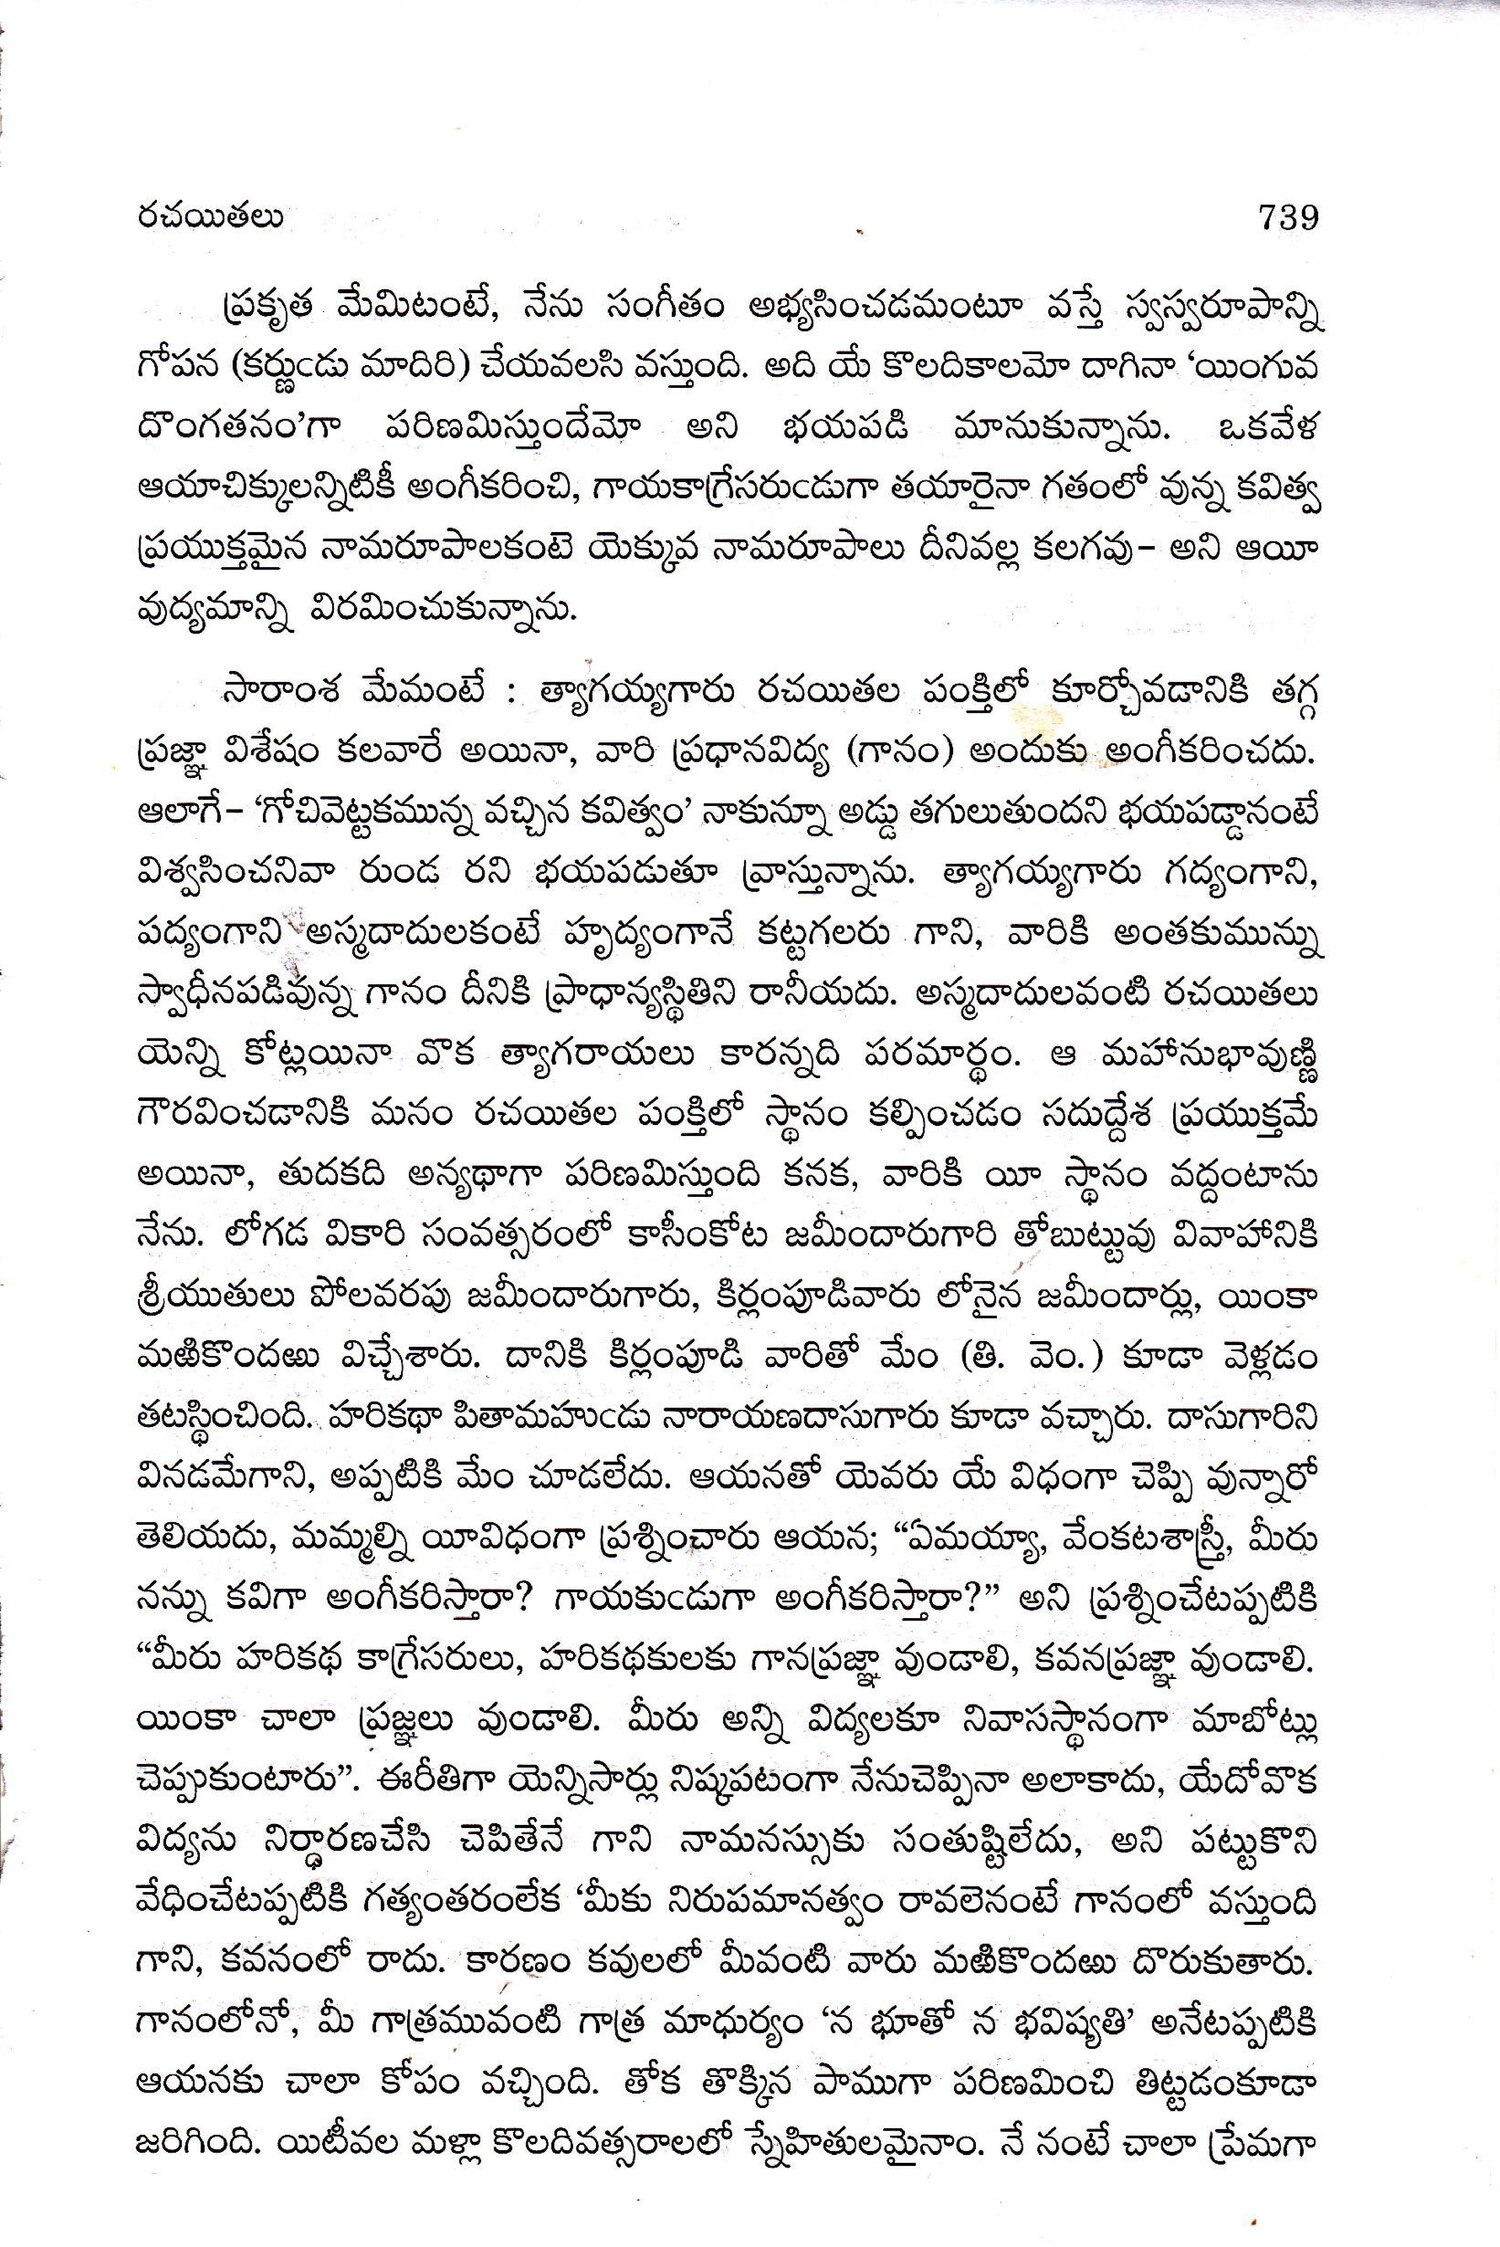ప్రకృత మేమిటంటే, నేను సంగీతం అభ్యసించడమంటూ వస్తే స్వస్వరూపాన్ని గోపన (కర్ణుఁడు మాదిరి) చేయవలసి వస్తుంది. అది యే కొలదికాలమో దాగినా 'యింగువ దొంగతనం'గా పరిణమిస్తుందేమో అని భయపడి మానుకున్నాను. ఒకవేళ ఆయాచిక్కులన్నిటికీ అంగీకరించి, గాయకాగ్రేసరుఁడుగా తయారైనా గతంలో వున్న కవిత్వ ప్రయుక్తమైన నామరూపాలకంటె యెక్కువ నామరూపాలు దీనివల్ల కలగవు- అని ఆయీ వుద్యమాన్ని విరమించుకున్నాను.

సారాంశ మేమంటే : త్యాగయ్యగారు రచయితల పంక్తిలో కూర్చోవడానికి తగ్గ ప్రజ్ఞా విశేషం కలవారే అయినా, వారి ప్రధానవిద్య (గానం) అందుకు అంగీకరించదు. ఆలాగే- 'గోచివెట్టకమున్న వచ్చిన కవిత్వం' నాకున్నూ అడ్డు తగులుతుందని భయపడ్డానంటే విశ్వసించనివా రుండ రని భయపడుతూ వ్రాస్తున్నాను. త్యాగయ్యగారు గద్యంగాని, పద్యంగాని అస్మదాదులకంటే హృద్యంగానే కట్టగలరు గాని, వారికి అంతకుమున్ను స్వాధీనపడివున్న గానం దీనికి ప్రాధాన్యస్థితిని రానీయదు. అస్మదాదులవంటి రచయితలు యెన్ని కోట్లయినా వొక త్యాగరాయలు కారన్నది పరమార్థం. ఆ మహానుభావుణ్ణి గౌరవించడానికి మనం రచయితల పంక్తిలో స్థానం కల్పించడం సదుద్దేశ ప్రయుక్తమే అయినా, తుదకది అన్యథాగా పరిణమిస్తుంది కనక, వారికి యీ స్థానం వద్దంటాను నేను. లోగడ వికారి సంవత్సరంలో కాసీంకోట జమీందారుగారి తోబుట్టువు వివాహానికి శ్రీయుతులు పోలవరపు జమీందారుగారు, కిర్లంపూడివారు లోనైన జమీందార్లు, యింకా మఱికొందఱు విచ్చేశారు. దానికి కిర్లంపూడి వారితో మేం (తి. వెం.) కూడా వెళ్లడం తటస్థించింది. హరికథా పితామహుఁడు నారాయణదాసుగారు కూడా వచ్చారు. దాసుగారిని వినడమేగాని, అప్పటికి మేం చూడలేదు. ఆయనతో యెవరు యే విధంగా చెప్పి వున్నారో తెలియదు, మమ్మల్ని యీవిధంగా ప్రశ్నించారు ఆయన "ఏమయ్యా, వేంకటశాస్త్రీ, మీరు నన్ను కవిగా అంగీకరిస్తారా? గాయకుఁడుగా అంగీకరిస్తారా?" అని ప్రశ్నించేటప్పటికి "మీరు హరికథ కాగ్రేసరులు, హరికథకులకు గానప్రజ్ఞా వుండాలి, కవనప్రజ్ఞా వుండాలి. యింకా చాలా ప్రజ్ఞలు వుండాలి. మీరు అన్ని విద్యలకూ నివాసస్థానంగా మాబోట్లు చెప్పుకుంటారు". ఈరీతిగా యెన్నిసార్లు నిష్కపటంగా నేనుచెప్పినా అలాకాదు, యేదోవొక విద్యను నిర్ధారణచేసి చెపితేనే గాని నామనస్సుకు సంతుష్టిలేదు, అని పట్టుకొని వేధించేటప్పటికి గత్యంతరంలేక 'మీకు నిరుపమానత్వం రావలెనంటే గానంలో వస్తుంది గాని, కవనంలో రాదు. కారణం కవులలో మీవంటి వారు మఱికొందఱు దొరుకుతారు. గానంలోనో, మీ గాత్రమువంటి గాత్ర మాధుర్యం 'న భూతో న భవిష్యతి' అనేటప్పటికి ఆయనకు చాలా కోపం వచ్చింది. తోక తొక్కిన పాముగా పరిణమించి తిట్టడంకూడా జరిగింది. యిటీవల మళ్లా కొలదివత్సరాలలో స్నేహితులమైనాం. నే నంటే చాలా ప్రేమగా